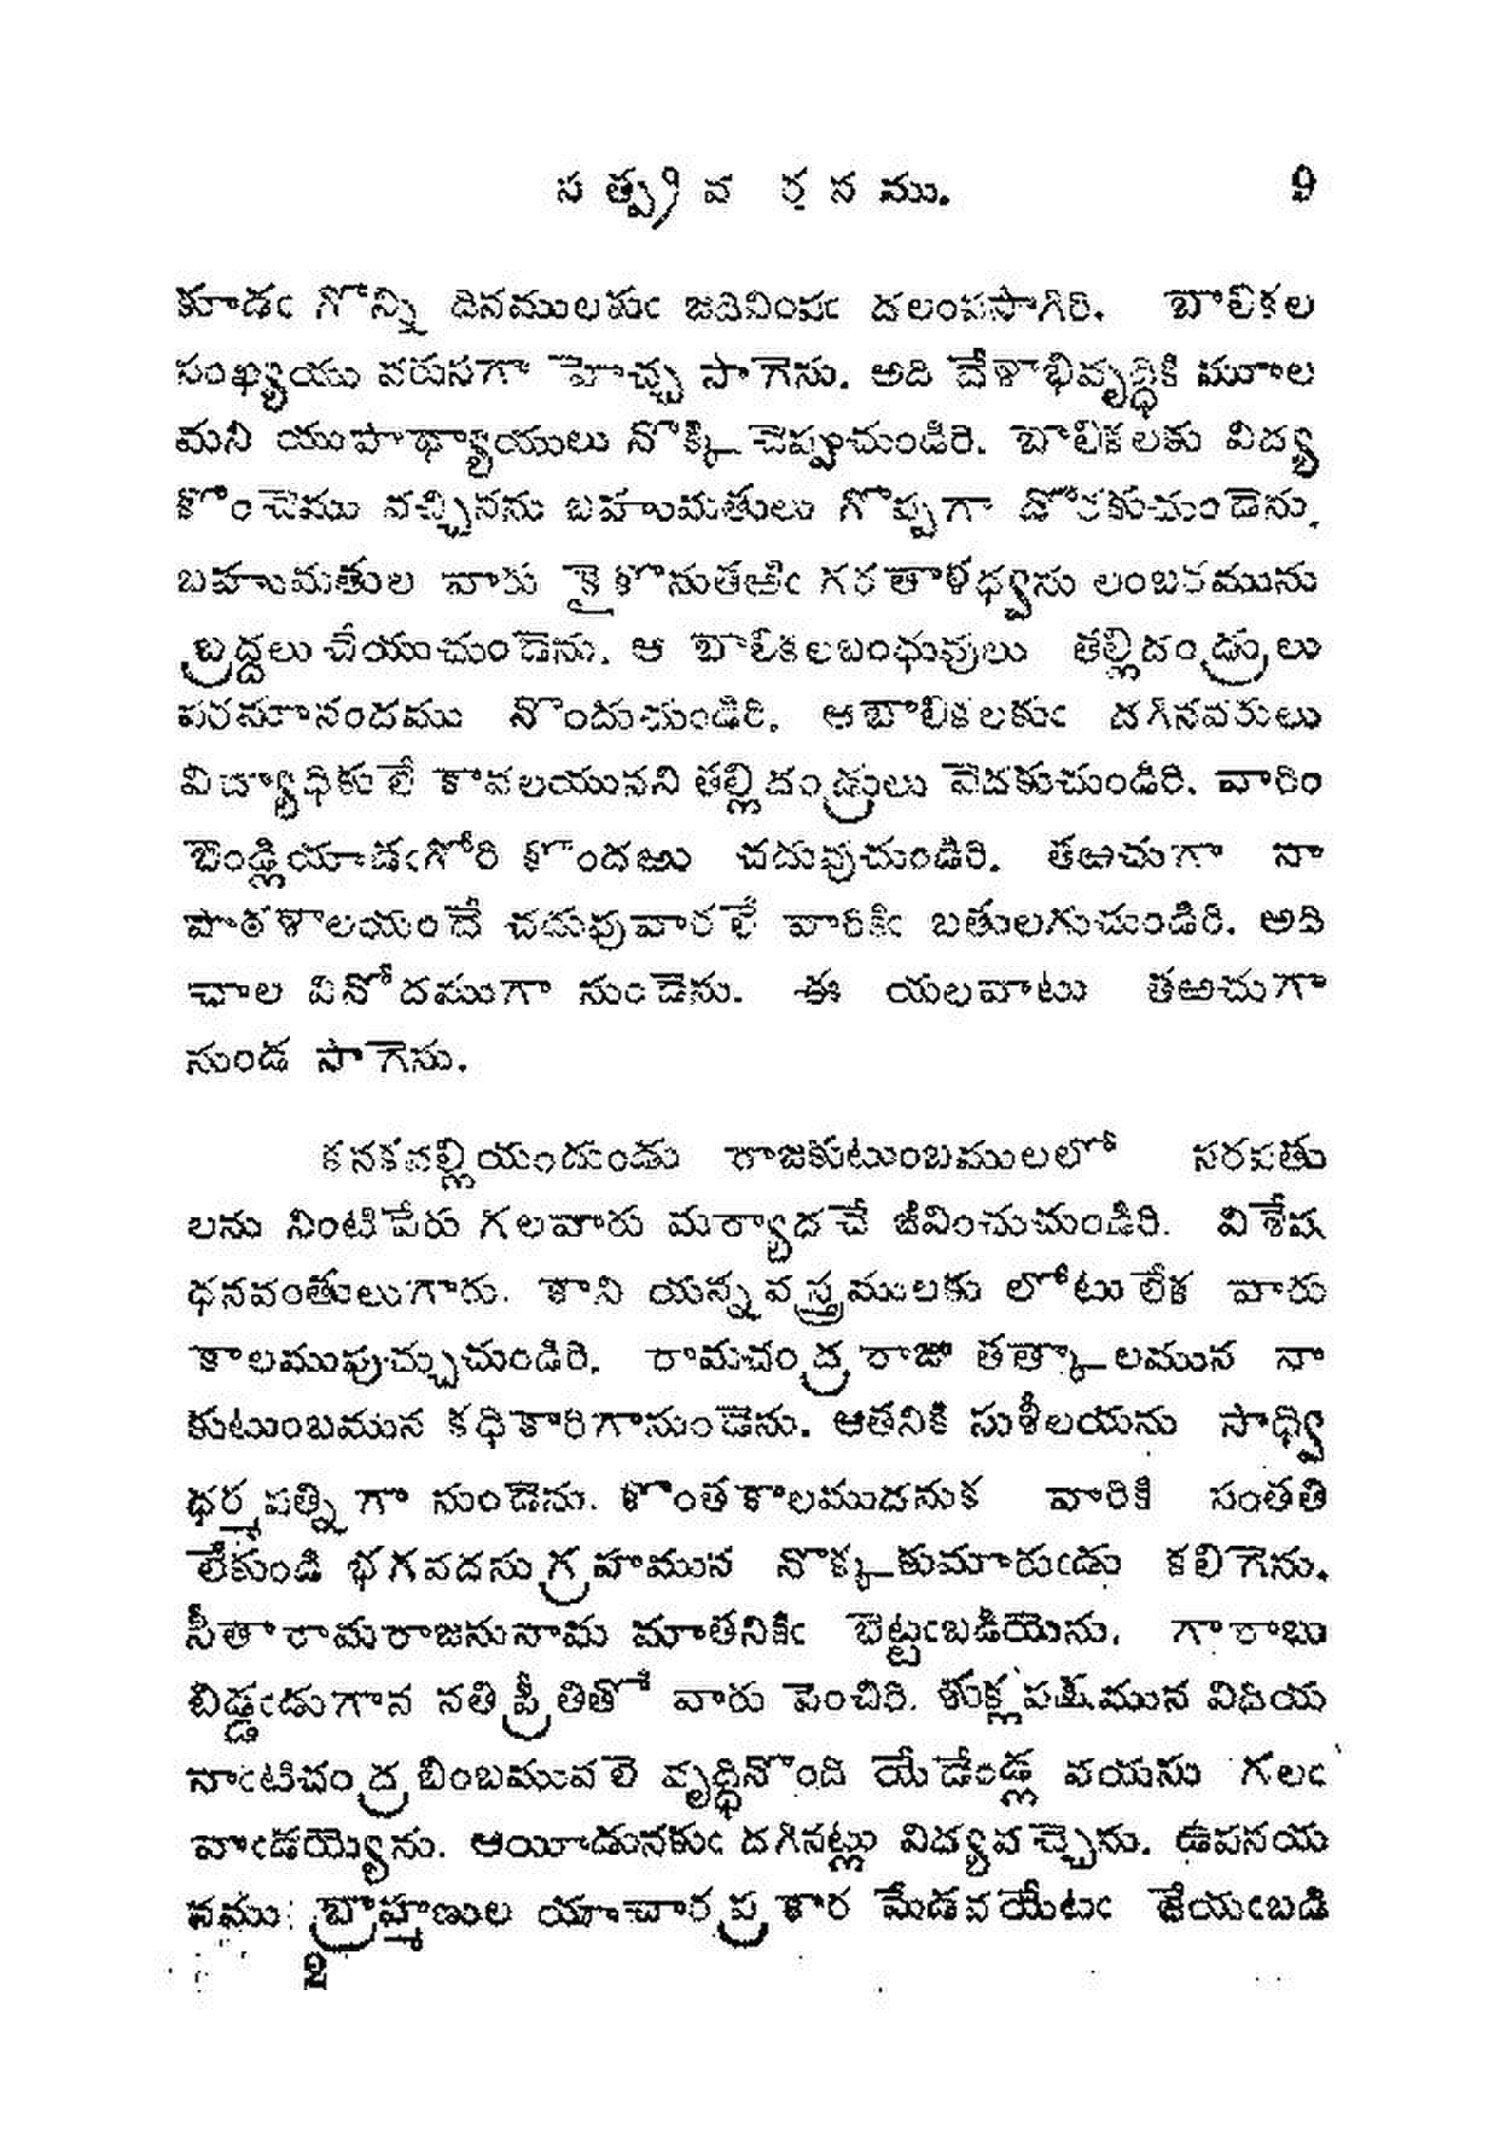కూడఁ గొన్ని దినములయుఁ జదివింపఁ దలంచసాగిరి. బాలికల సంఖ్యయు వరుసగా హెచ్చ సాగెను. అది దేశాభివృద్ధికి మూలమనీ యుపొధ్యాయులు నొక్కి చెప్పుచుండిరి. బాలికలకు విద్య కొంచెము వచ్చినను బహుమతులు గొప్పగా దొరకు చుండెను, బహుమతుల వారు " నుతతంగరతాళధ్వను లంబకమును బద్దలు చేయుచుండెను. ఆ బాలికల బంధువులు తల్లిదండ్రులు పరమానందము నొందుచుండిరి. ఆబాలికలకుఁ దగినవరులు విద్యాధికులే కావలయునని తల్లిదండ్రులు వెదకుచుండిరి, వారిం 'బెండ్లియాడఁగోరి కొందఱు చదువుచుండిరి. తఱుచుగా నా పొఠశాలయందే చదువువారలే. వారికి బతులగుచుండిరి. అది చాల వినోదముగా సుండెను. ఈ యలవాటు చుగా నుండ సాగెను.

కనకవల్లి యందుండు రాజకుటుంబములలో సరపతులను నింటి పేరు గలవారు మర్యాదచే జీవించుచుండిరి. విశేష ధనవంతులు గారు. కాని యన్న వస్త్రములకు లోటు లేక వారు కాలముపుచ్చుచుండిరి. రామచంద, రాజు తత్కాలమున నా కుటుంబమున కధికారిగానుండెను. అతనికి సుశీలయను సాధ్వి ధర్మపత్ని గా నుండెను. కొంతకాలముదనుక వారికి సంతతి లేకుండి భగవదసు గృహమున నొక్క కుమారుఁడు కలిగెను, సీతారామరాజును నామ మాతనికిఁ బెట్టఁబడియెను. గారాబు బిడ్డఁడు గాన నతి ప్రీతితో వారు పెంచిరి. శుక్ల పక్షమున విధీయ నాఁటిచంద్ర బింబమువలె వృద్ధినొంది యే డేండ్ల వయసు గలం' పొండయ్యెను. ఆయీడునకుఁ దగినట్లు విద్యవచ్చెను. ఉపనయ నము: బ్రాహణుల యాచార ప్రకార మేడవ యేటఁ జేయఁబడి